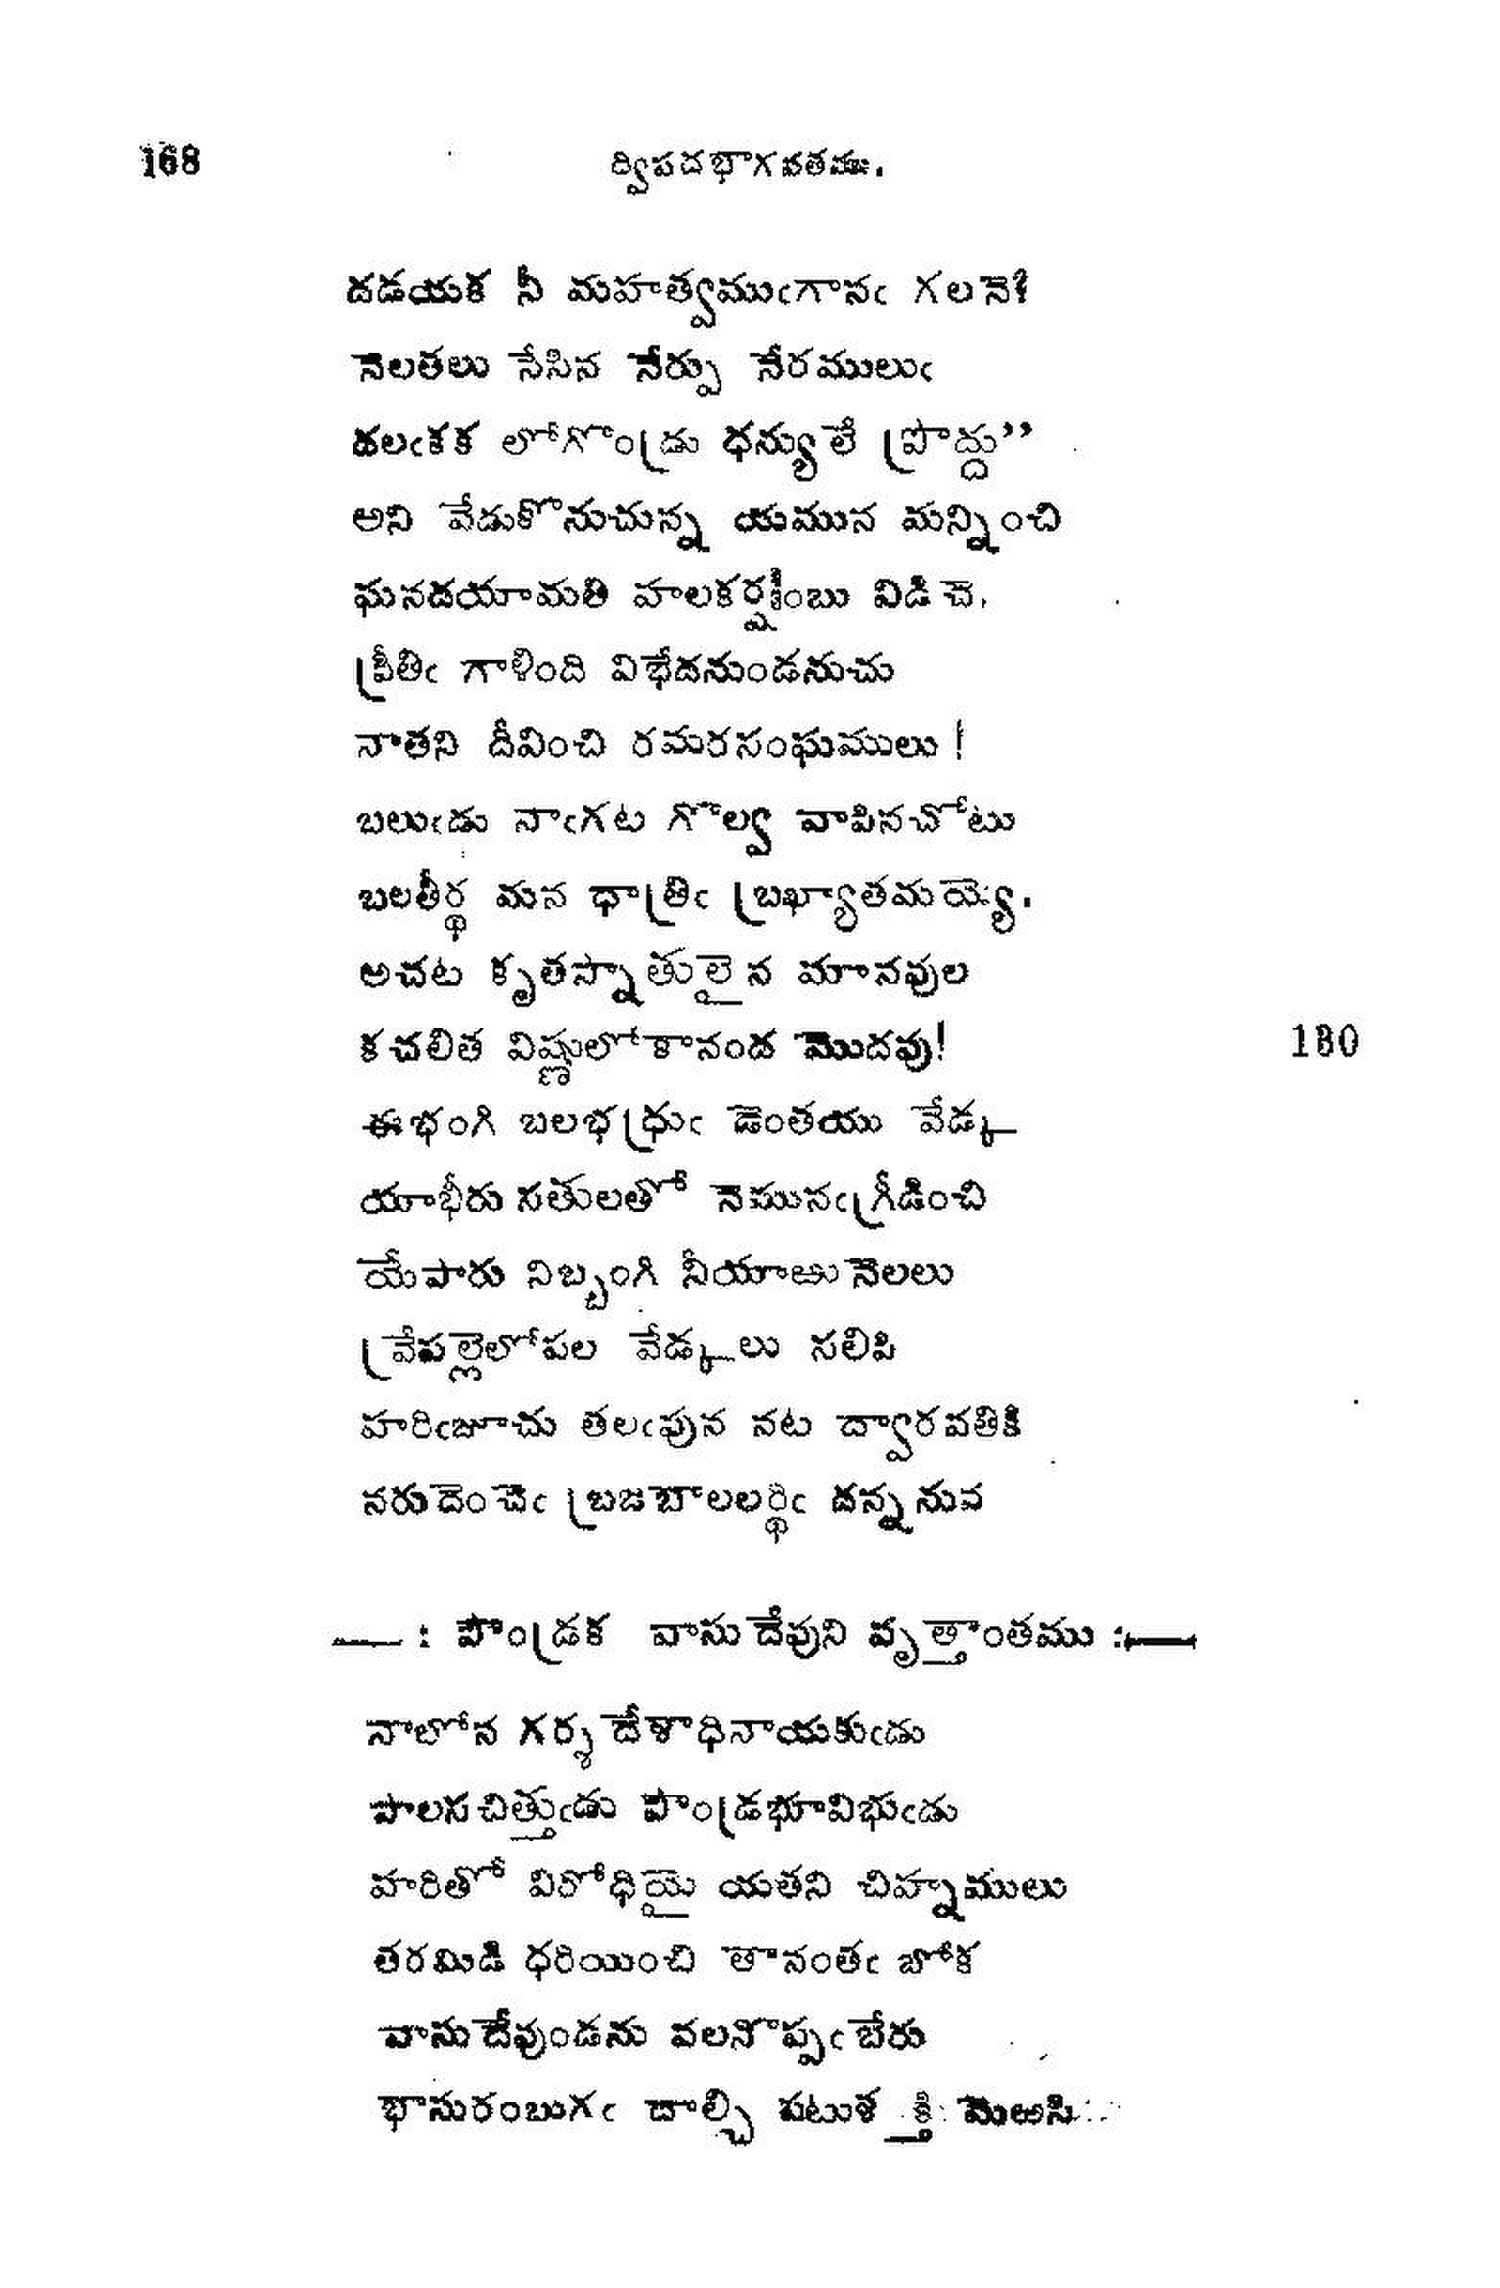దడయక నీ మహత్వముఁగానఁగలనె? 
నెలతలు సేసిన నేర్పు నేరములుఁ
దలఁకక లోగొండ్రు ధన్యులే ప్రొద్దు”
అని వేడుకొనుచున్న యమున మన్నించి
ఘనదయామతి హలకర్షంబు విడిచె. 
ప్రీతిఁ గాళింది విభేదనుండనుచు
నాతని దీవించి రమరసంఘములు! 
బలుఁడు నాఁగట గొల్వ వాపినచోటు
బలతీర్థ మన ధాత్రిఁ బ్రఖ్యాతమయ్యె. 
అచట కృతస్నాతులైన మానవుల
కచలిత విష్ణులోకానంద మొదవు!
ఈభంగి బలభద్రుఁ డెంతయు వేడ్క
యాభీరు సతులతో నెమునఁ గ్రీడించి 
యేపారు నిబ్బంగి నీయాఱు నెలలు 
వ్రేపల్లెలోపల వేడ్కలు సలిపి
హరిఁజూచు తలఁపున నట ద్వారవతికి
నరుదెంచెఁ బ్రజబాలలర్థిఁ దన్ననుప

నాలోన గర్శదేశాధినాయకుఁడు
పాలసచిత్తుఁడు పౌండ్రభూవిభుఁడు
హరితో విరోధియై యతని చిహ్నములు
తరమిడి ధరియించి తానంతఁ బోక
వాసుదేవుండను వలనొప్పఁ బేరు
భాసురంబుగఁ దాల్చి పటుశక్తి మెఱసి